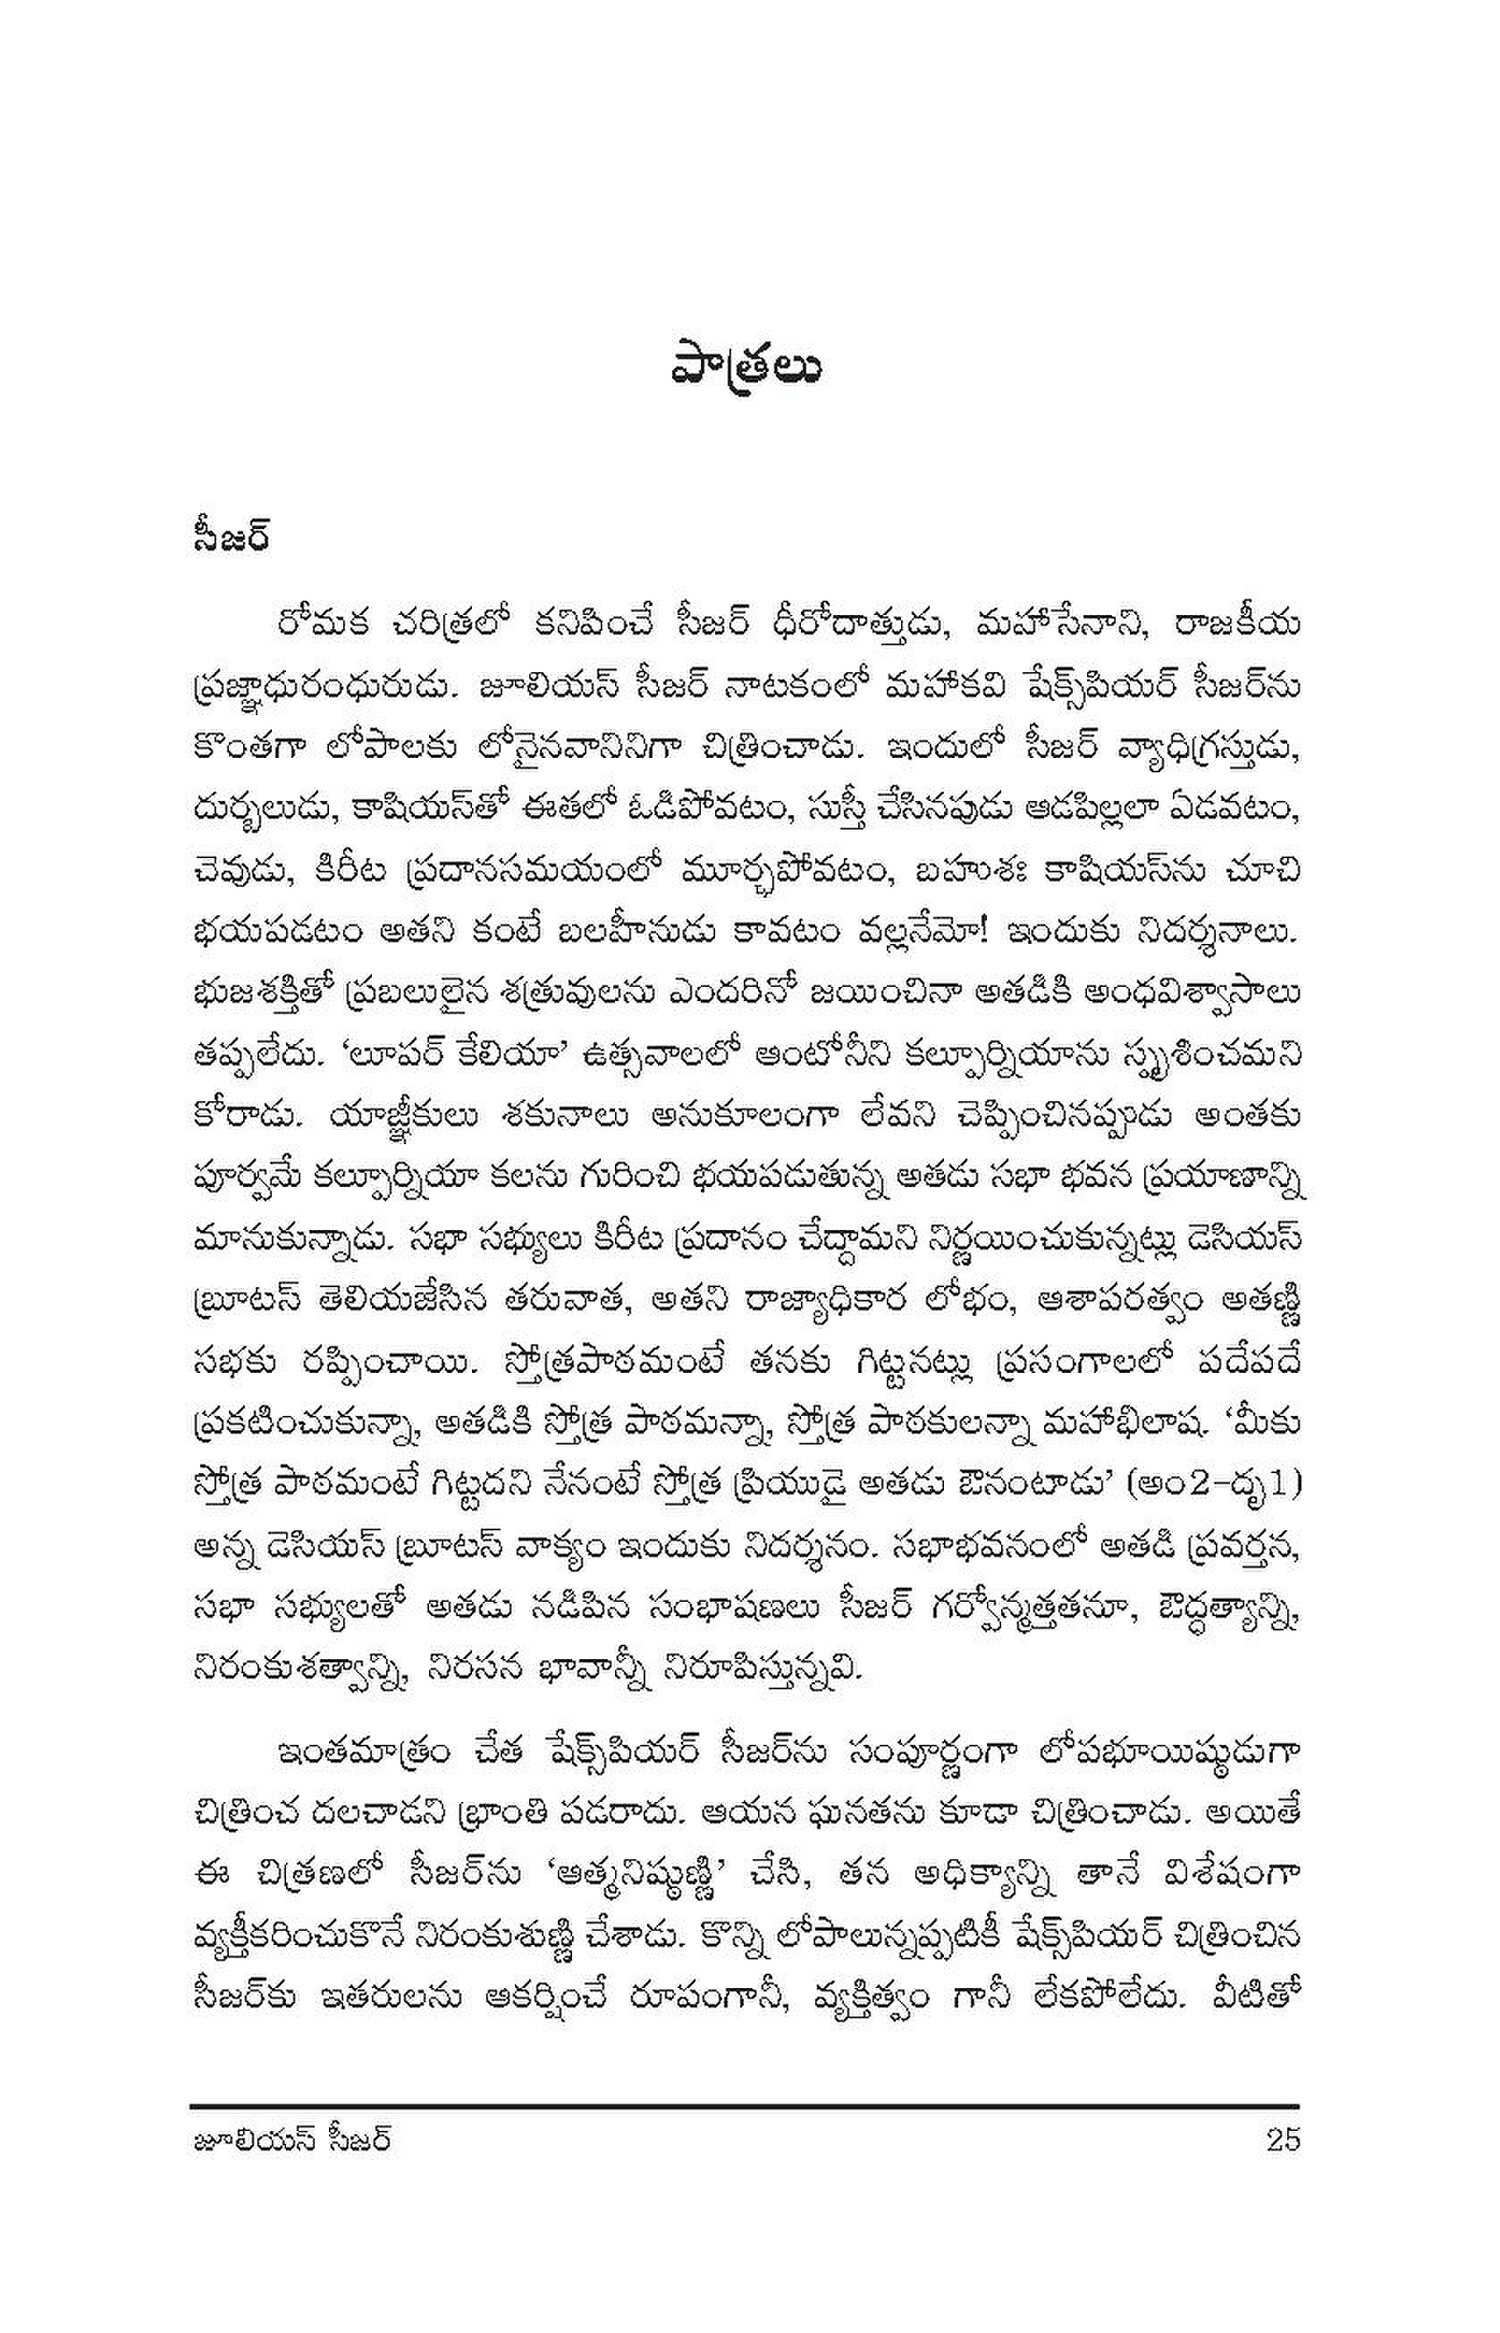రోమక చరిత్రలో కనిపించే సీజర్ ధీరోదాత్తుడు, మహాసేనాని, రాజకీయ ప్రజ్ఞాధురంధురుడు. జూలియస్ సీజర్ నాటకంలో మహాకవి షేక్స్పియర్ సీజర్ను కొంతగా లోపాలకు లోనైనవానినిగా చిత్రించాడు. ఇందులో సీజర్ వ్యాధిగ్రస్తుడు,
దుర్బలుడు, కాషియస్తో ఈతలో ఓడిపోవటం, సుస్తీ చేసినపుడు ఆడపిల్లలా ఏడవటం, చెవుడు, కిరీట ప్రదానసమయంలో మూర్ఛపోవటం, బహుశః కాషియస్ ను చూచి భయపడటం అతని కంటే బలహీనుడు కావటం వల్లనేమో! ఇందుకు నిదర్శనాలు. భుజశక్తితో ప్రబలులైన శత్రువులను ఎందరినో జయించినా అతడికి అంధవిశ్వాసాలు తప్పలేదు. 'లూపర్ కేలియా' ఉత్సవాలలో అంటోనీని కల్పూర్నియాను స్పృశించమని కోరాడు. యాజ్జీకులు శకునాలు అనుకూలంగా లేవని చెప్పించినప్పుడు అంతకు పూర్వమే కల్పూర్నియా కలను గురించి భయపడుతున్న అతడు సభా భవన ప్రయాణాన్ని
మానుకున్నాడు. సభా సభ్యులు కిరీట ప్రదానం చేద్దామని నిర్ణయించుకున్నట్లు డెసియస్ బ్రూటస్ తెలియజేసిన తరువాత, అతని రాజ్యాధికార లోభం, ఆశాపరత్వం అతణ్ణి సభకు రప్పించాయి. స్తోత్రపాఠమంటే తనకు గిట్టనట్లు ప్రసంగాలలో పదేపదే ప్రకటించుకున్నా, అతడికి స్తోత్ర పాఠమన్నా, స్తోత్ర పాఠకులన్నా మహాభిలాష. 'మీకు స్తోత్ర పాఠమంటే గిట్టదని నేనంటే స్తోత్ర ప్రియుడై అతడు ఔనంటాడు' (అం2 -దృ1) అన్న డెసియస్ బ్రూటస్ వాక్యం ఇందుకు నిదర్శనం. సభాభవనంలో అతడి ప్రవర్తన, సభా సభ్యులతో అతడు నడిపిన సంభాషణలు సీజర్ గర్వోన్మత్తతనూ, ఔద్ధత్యాన్ని,
నిరంకుశత్వాన్ని, నిరసన భావాన్నీ నిరూపిస్తున్నవి.

ఇంతమాత్రం చేత షేక్స్పియర్ సీజర్ను సంపూర్ణంగా లోపభూయిష్ఠుడుగా చిత్రించ దలచాడని భ్రాంతి పడరాదు. ఆయన ఘనతను కూడా చిత్రించాడు. అయితే ఈ చిత్రణలో సీజర్ను 'ఆత్మనిష్ఠుణ్ణి' చేసి, తన అధిక్యాన్ని తానే విశేషంగా
వ్యక్తీకరించుకొనే నిరంకుశుణ్ణి చేశాడు. కొన్ని లోపాలున్నప్పటికీ షేక్స్పియర్ చిత్రించిన సీజర్కు ఇతరులను ఆకర్షించే రూపంగానీ, వ్యక్తిత్వం గానీ లేకపోలేదు. వీటితో